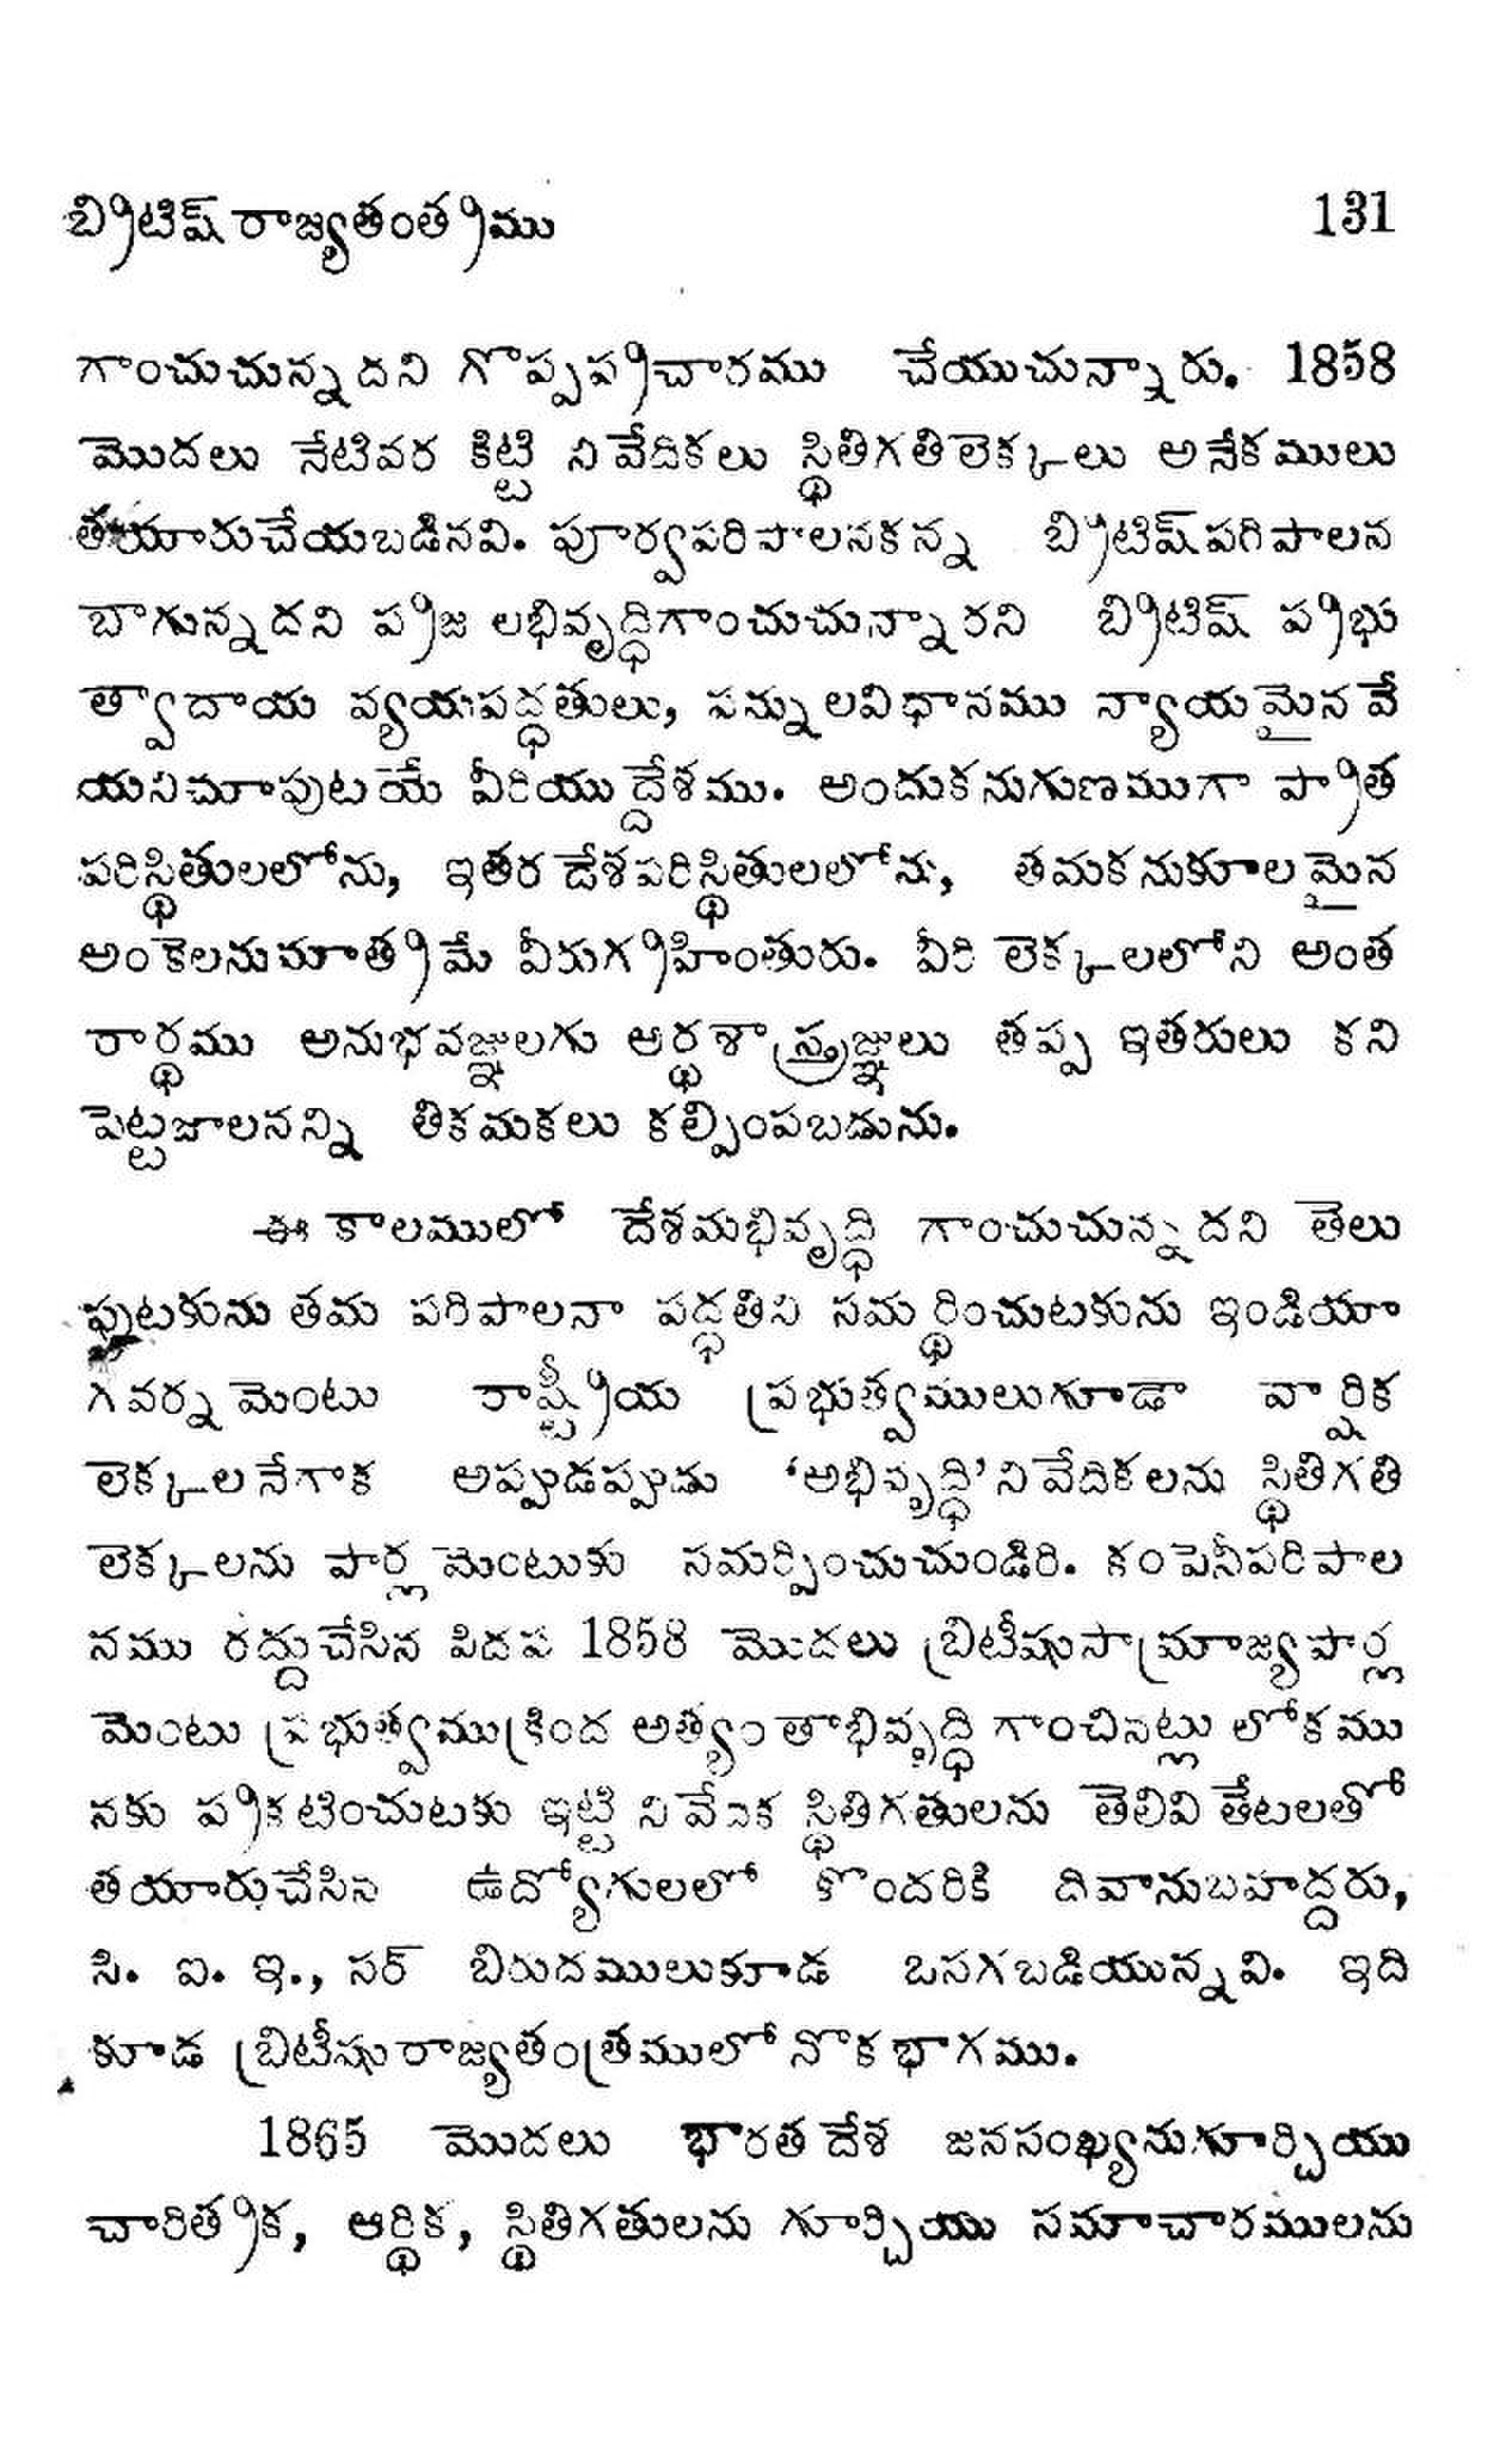గాంచుచున్నదని గొప్పప్రచారము చేయుచున్నారు. 1858 మొదలు నేటివర కిట్టి నివేదికలు స్థితిగతిలెక్కలు అనేకములు తయారుచేయబడినవి. పూర్వపరిపాలనకన్న బిటిష్‌పరిపాలన బాగున్నదని ప్రజ లభివృద్ధిగాంచుచున్నారని బ్రిటిష్ ప్రభుత్వాదాయ వ్యయపద్ధతులు, పన్నులవిధానము న్యాయమైనవే యనిచూపుటయే వీరియుద్దేశము. అందుకనుగుణముగా ప్రాత పరిస్థితులలోను, ఇతరదేశపరిస్థితులలోను, తమకనుకూలమైన అంకెలనుమాత్రమే వీరుగ్రహింతురు. వీరి లెక్కలలోని అంతరార్ధము అనుభవజ్ఞులగు అర్థశాస్త్రజ్ఞులు తప్ప ఇతరులు కనిపెట్టజాలనన్ని తికమకలు కల్పింపబడును. -

ఈ కాలములో దేశమభివృద్ధి గాంచుచున్నదని తెలుపుటకును తమ పరిపాలనా పద్దతిని సమర్ధించుటకును ఇండియా గవర్నమెంటు రాష్ట్రీయ ప్రభుత్వములుగూడా వార్షిక లెక్కలనేగాక అప్పుడప్పుడు 'అభివృద్ధి' నివేదికలను స్థితిగతి లెక్కలను పార్లమెంటుకు సమర్పించుచుండిరి. కంపెనీపరిపాలనము రద్దుచేసిన పిదప 1858 మొదలు బ్రిటీషు సామ్రాజ్య పార్లమెంటు ప్రభుత్వముక్రింద అత్యంతాభివృద్ధి గాంచినట్లు లోకమునకు ప్రకటించుటకు ఇట్టి నివేదిక స్థితిగతులను తెలివి తేటలతో తయారుచేసిన ఉద్యోగులలో కొందరికి దివానుబహద్దరు, సి. ఐ. ఇ., సర్ బిరుదములుకూడ ఒసగబడియున్నవి. ఇది కూడ బ్రిటీషురాజ్యతంత్రములో నొకభాగము.

1865 మొదలు భారతదేశ జనసంఖ్యనుగూర్చియు చారిత్రక, ఆర్థిక, స్థితిగతులను గూర్చియు సమాచారములను